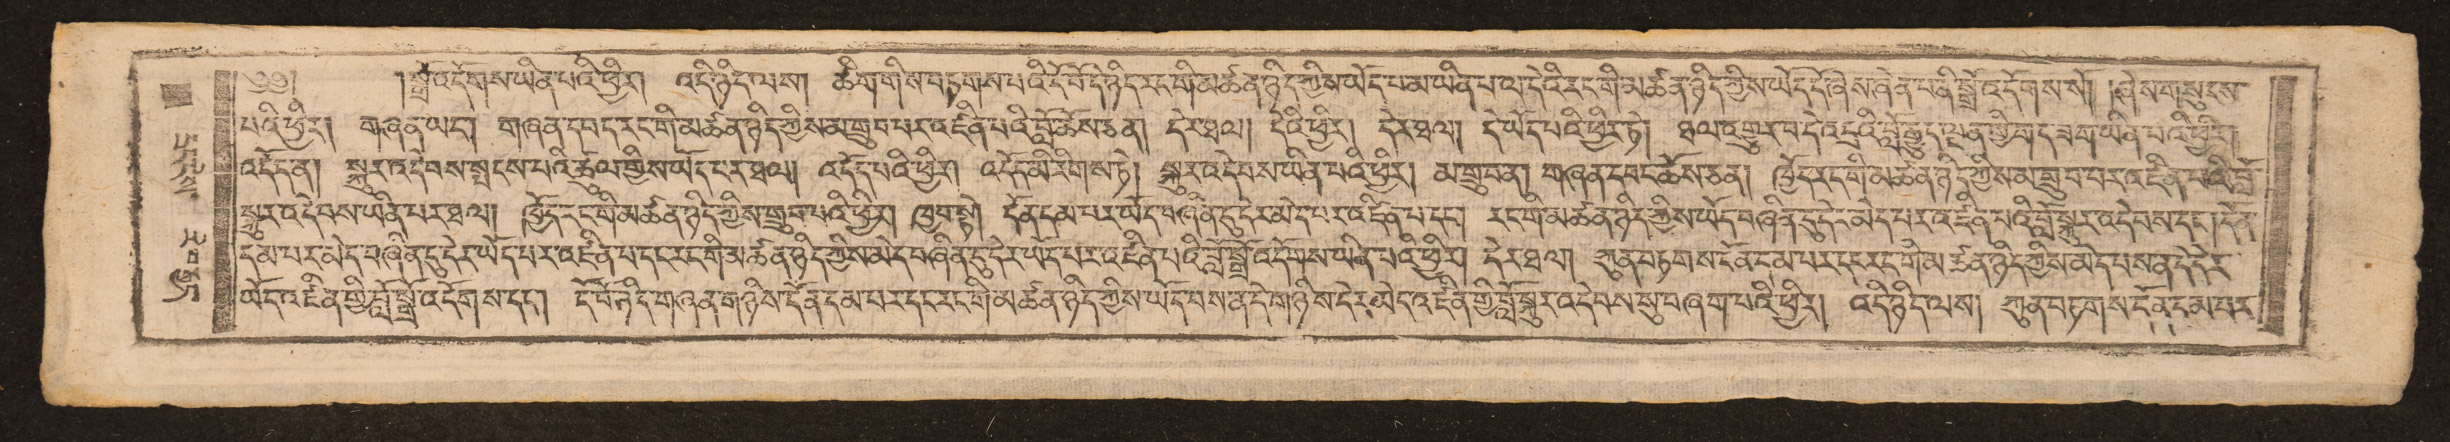༄༅། །སྒྲོ་འདོགས་ཡིན་པའི་ཕྱིར། འདི་ཉིད་ལས། ཚིག་གིས་བཏགས་པའི་ངོ་བོ་ད་ཉིད་རང་གི་མཚན་ཉིད་ཀྱིས་ཡོད་པ་མ་ཡིན་པ་ལ་དེའི་རང་གི་མཚན་ཉིད་ཀྱིས་ཡོད་དོ་ཞེས་ཞེན་པ་ནི་སྒྲོ་འདོགས་སོ། །ཞེས་གསུངས་
པའི་ཕྱིར། གཞན་ཡང་། གཞན་དབང་རང་གི་མཚན་ཉིད་ཀྱིས་མ་གྲུབ་པར་འཛིན་པའི་བློ་ཆོས་ཅན། དེར་ཐལ། དེའི་ཕྱིར། དེར་ཐལ། དེ་ཡོད་པའི་ཕྱིར་ཏེ། ཐལ་འགྱུར་བ་དེ་འདྲའི་བློ་རྒྱུད་ལྡན་གྱི་གང་ཟག་ཡིན་པའི་ཕྱིར།
འདོད་ན། སྐུར་འདེབས་སྤངས་པའི་ཚུལ་གྱིས་ཡོད་པར་ཐལ། འདོད་པའི་ཕྱིར། འདོད་མི་རིགས་ཏེ། སྐུར་འདེབས་ཡིན་པའི་ཕྱིར། མ་གྲུབ་ན། གཞན་དབང་ཆོས་ཅན། ཁྱོད་རང་གི་མཚན་ཉིད་ཀྱིས་མ་གྲུབ་པར་འཛིན་པའི་བློ་
སྐུར་འདེབས་ཡིན་པར་ཐལ། ཁྱོད་རང་གི་མཚན་ཉིད་ཀྱིས་གྲུབ་པའི་ཕྱིར། ཁྱབ་སྟེ། དོན་དམ་པར་ཡོད་བཞིན་དུ་དེར་མེད་པར་འཛིན་པ་དང་། རང་གི་མཚན་ཉིད་ཀྱིས་ཡོད་བཞིན་དུ་དེར་མེད་པར་འཛིན་པའི་བློ་སྐུར་འདེབས་དང་། དོན་
དམ་པར་མེད་བཞིན་དུ་དེར་ཡོད་པར་འཛིན་པ་དང་རང་གི་མཚན་ཉིད་ཀྱིས་མེད་བཞིན་དུ་དེར་ཡོད་པར་འཛིན་པའི་བློ་སྒྲོ་འདོགས་ཡིན་པའི་ཕྱིར། དེར་ཐལ། ཀུན་བཏགས་དོན་དམ་བར་དང་རང་གི་མཚན་ཉིད་ཀྱིས་མེད་པས་ན་དེ་དེར་
ཡོད་འཛིན་གྱི་བློ་སྒྲོ་འདོགས་དང་། ངོ་བོ་ཉིད་གཞན་གཉིས་དོན་དམ་པར་དང་རང་གི་མཚན་ཉིད་ཀྱིས་ཡོད་པས་ན་དེ་གཉིས་དེར་མེད་འཛིན་གྱི་བློ་སྐུར་འདེབས་སུ་བཞག་པའི་ཕྱིར། འདི་ཉིད་ལས། ཀུན་བཏགས་དོན་དམ་པར་